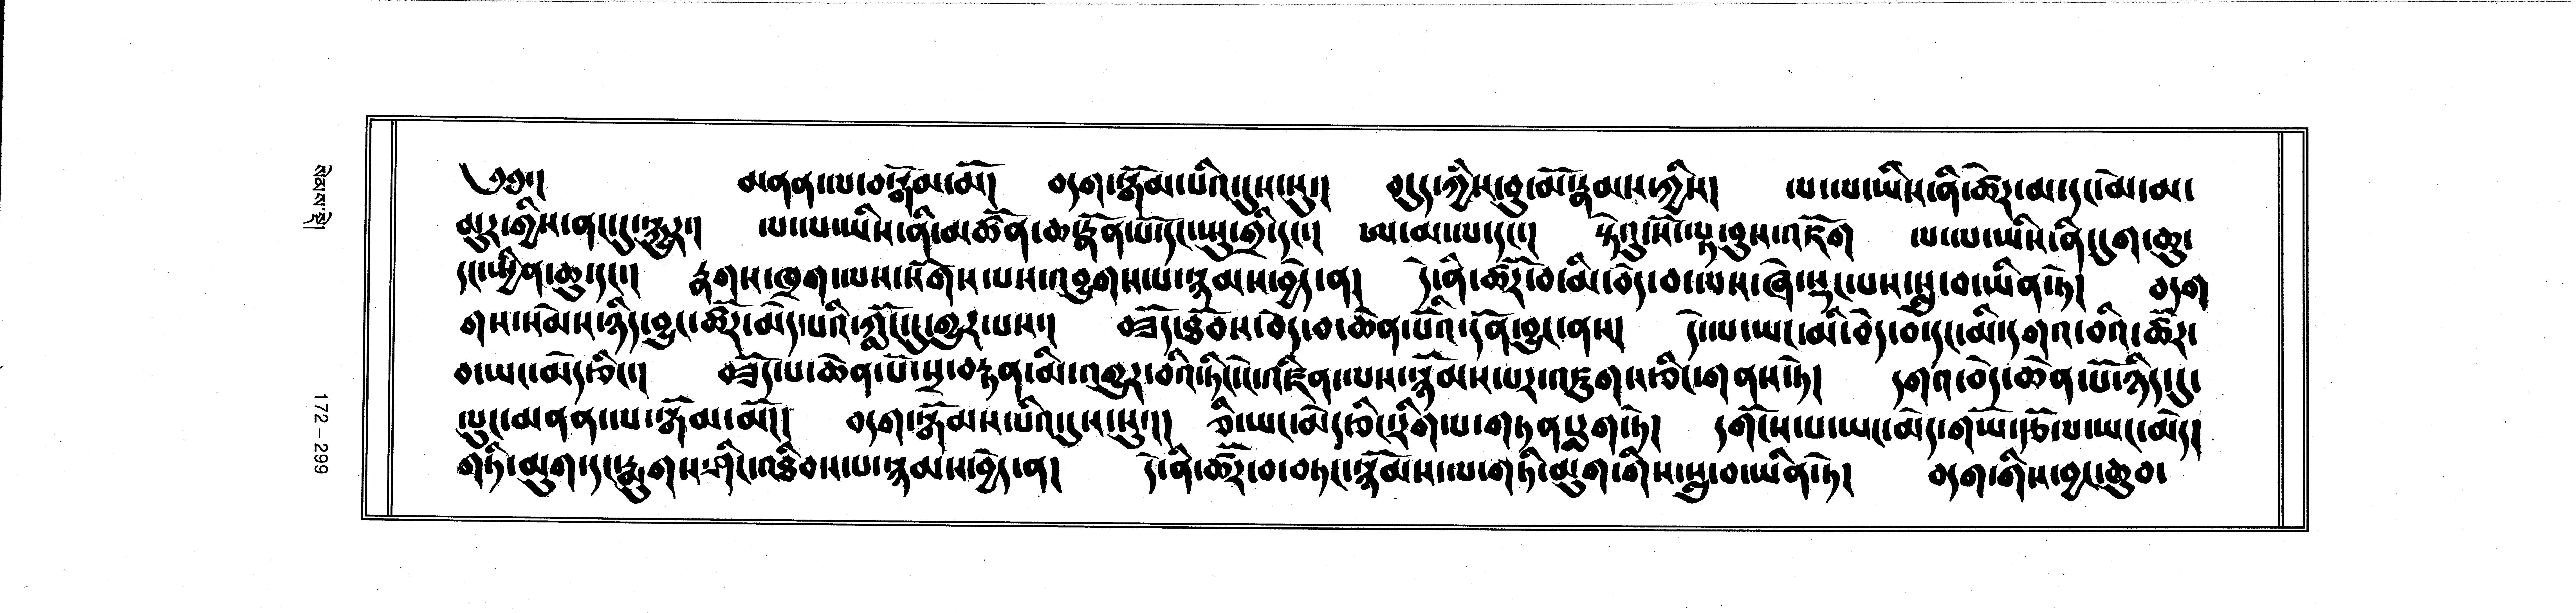མནན་ལ་བསྒོམ་མོ། བདག་སྒོམ་པའི་དུས་སུ། བདུད་ཀྱིས་བུ་མོ་རྣམས་ཀྱིས། ལ་ལ་ཡིས་ནི་ཚེར་མ་དང་མེ་མ་
མུར་གྱིས་ནང་དུ་སྐྱུར། ལ་ལ་ཡིས་ནི་མཚོན་ཆ་རྣོན་པོ་དང་སྤུ་གྲི་དང་། ཨ་མ་ལ་དང་། སྟེའུ་སོ་ལྟ་བུས་འཇོག ལ་ལ་ཡིས་ནི་དུག་ཆུ་
དང་སྤྱིན་ཆུ་དང་། རྣགས་ཁྲག་ལས་སོགས་པས་འབྱུགས་པ་སྙམས་བྱེད་ན། དེ་ནི་ཚོར་བ་མི་བདེ་བ་ལས་ཞེ་སྡང་པས་སླུ་བ་ཡིན་ཏེ། བདག་
གིས་སེམས་ཉིད་བྱུང་ཚོར་མེད་པའི་ཀློང་དུ་གྱུར་པས། བཟོད་ཐོབས་བདེ་བ་ཆེན་པོའི་དོན་བྱུང་ནས། དེ་ལ་ཡང་མི་བདེ་བ་དང་མི་དགའ་བའི་ཚོར་
བ་ཡང་མེད་ཅིང་། བཟོད་པ་ཆེན་པོ་སྲ་བརྟན་མི་འགྱུར་བའི་ཏིང་ངེ་འཛིན་ལས་སྙོམས་པར་འཇུགས་ཅིང་གནས་ཏེ། དགའ་བདེ་ཆེན་པོ་ཉིད་དུ་
ལུང་མནན་ལ་སྒོམ་མོ། བདག་སྒོམས་པའི་དུས་སུ། ཅི་ཡང་མེད་ཅིང་རིག་པ་གཏན་རླག་ཏེ། དགོངས་པ་ཡང་མེད་གཡོ་རྩལ་ཡང་མེད། 
གཏི་མུག་དང་རྨུགགས་ཤིང་འཐིབས་པ་སྙམས་བྱེད་ན། དེ་ནི་ཚོར་བ་བཏང་སྙོམས་ལ་གཏི་མུག་གིས་སླུ་བ་ཡིན་ཏེ། བདག་གིས་བྱང་ཆུབ་